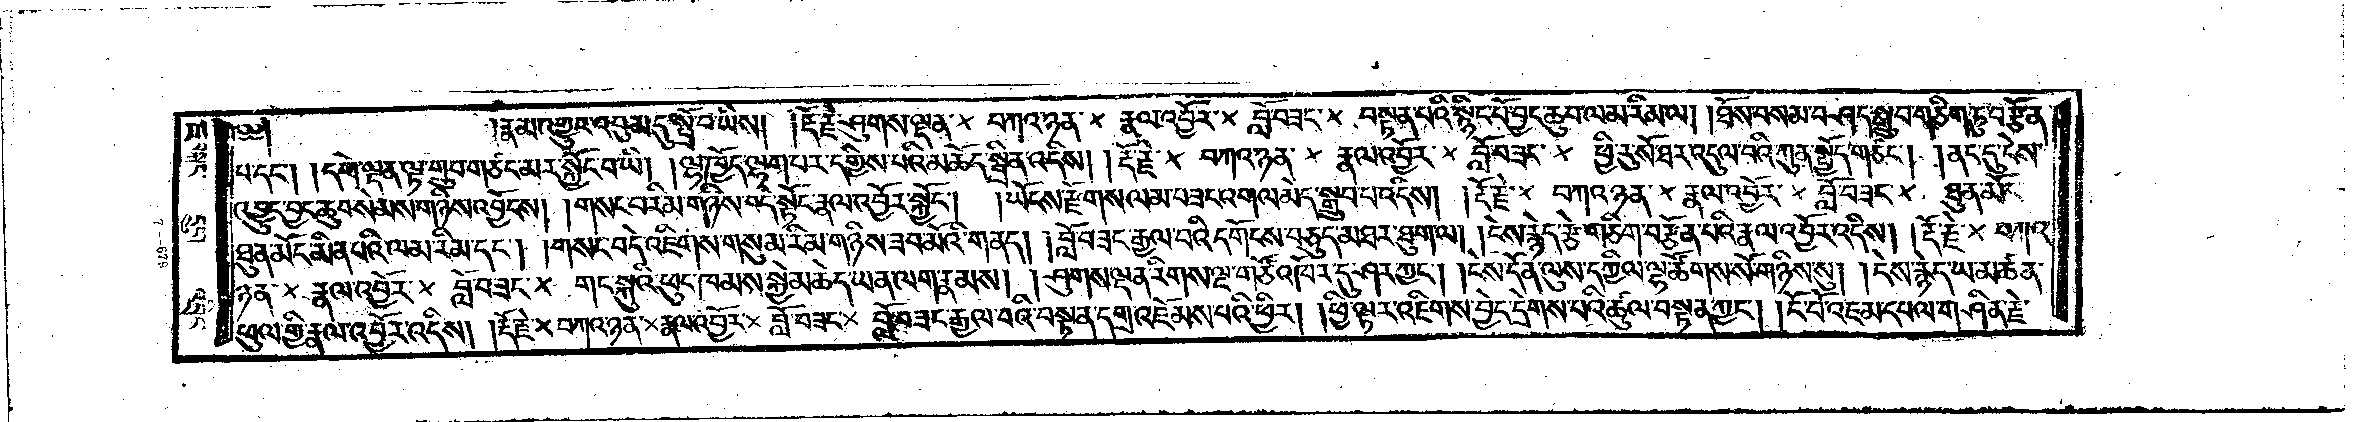༄༅། །རྣམ་འགྱུར་འབུམ་དུ་སྤྲོ་བ་ཡིས། །རྡོ་རྗེ་ཤུགས་ལྡན་྾་བཀའ་ཉན་྾་རྣལ་འབྱོར་྾་བློ་བཟང་྾་བསྟན་པའི་སྙིང་པོ་བྱང་ཆུབ་ལམ་རིམ་ལ། །ཐོས་བསམ་བཤད་སྒྲུབ་གཅིག་ཏུ་བརྩོན་
པ་དང་། །དགེ་ལྡན་ལྟ་གྲུབ་གཙང་མར་སྐྱོང་བ་ཡི། །ལྷ་ཁྱོད་ལྷག་པར་དགྱེས་པའི་མཆོད་སྤྲིན་འདིས། །རྡོ་རྗེ་྾་བཀའ་ཉན་྾་རྣལ་འབྱོར་྾་བློ་བཟང་྾་ཕྱི་རུ་སོ་ཐར་འདུལ་བའི་ཀུན་སྤྱོད་གཙང་། །ནང་དུ་དེས་
འབྱུང་བྱང་ཆུབ་སེམས་གཉིས་འབྱོངས། །གསང་བ་རིམ་གཉིས་བདེ་སྟོང་རྣལ་འབྱོར་སྐྱོང་། །ཡོངས་རྫོགས་ལམ་བཟང་འགལ་མེད་སྒྲུབ་པ་འདིས། །རྡོ་རྗེ་྾་བཀའ་ཉན་྾་རྣལ་འབྱོར་྾་བློ་བཟང་྾་ཐུན་མོང་
ཐུན་མོང་མིན་པའི་ལམ་རིམ་དང་། །གསང་བདེ་འཇིགས་གསུམ་རིམ་གཉིས་ཟབ་མོའི་གནད། །བློ་བཟང་རྒྱལ་བའི་དགོངས་བཅུད་མཐར་ཐུག་ལ། །ངེས་རྙེད་རྩེ་གཅིག་བརྩོན་པའི་རྣལ་འབྱོར་འདིས། །རྡོ་རྗེ་྾་བཀའ་
ཉན་྾་རྣལ་འབྱོར་྾་བློ་བཟང་྾་གང་སྐུའི་ཕུང་ཁམས་སྐྱེ་མཆེད་ཡན་ལག་རྣམས། །ཤུགས་ལྡན་རིགས་ལྔ་གཙོ་འཁོར་དུ་ཤར་ཀྱང་། །ངེས་དོན་ལུས་དཀྱིལ་ལྷ་ཚོགས་སོ་གཉིས་སུ། །ངེས་རྙེད་ཡ་མཚན་
ཕུལ་གྱི་རྣལ་འབྱོར་འདིས། །རྡོ་རྗེ་྾་བཀའ་ཉན་྾་རྣལ་འབྱོར་྾་བློ་བཟང་྾་བློ་བཟང་རྒྱལ་བའི་བསྟན་དགྲ་འཇོམས་པའི་ཕྱིར། །ཕྱི་ལྟར་འཇིགས་བྱེད་དྲེགས་པའི་ཚུལ་བསྟན་ཀྱང་། །ངོ་བོ་འཇམ་དཔལ་གཤིན་རྗེ་